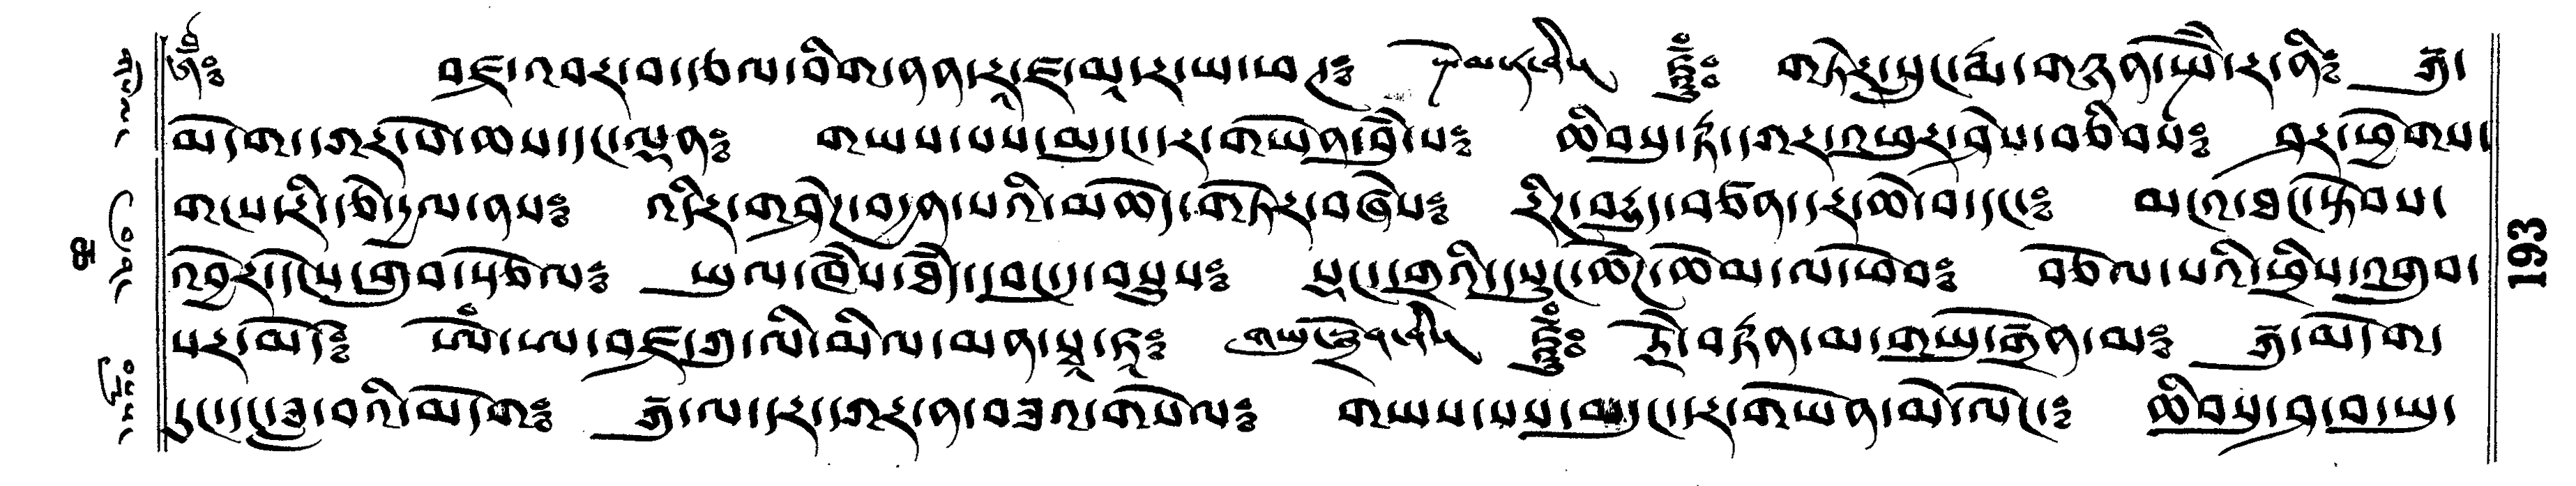བཛྲ་འབར་བ་རྩལ་བིགྣན་རཱ་ཛ་མཱ་ར་ཡ་ཕཊ༔ སྤོམ་ར་ནི། ཧཱུྃཿ གཏེར་སྲུང་རྨ་གཉན་སྤོམ་ར་ནི༔ སྐུ་
མདོག་དཀར་པོ་ཆས་དང་ལྡན༔ གཡས་པས་མདུང་དར་གཡོན་བུམ་པ༔ ཆིབས་སུ་རྟ་དཀར་འཕུར་ཤེས་བཅིབས༔ ཤར་ཕྱོགས་
གངས་རི་རྩེ་རྒྱལ་ནས༔ འདིར་གཤེགས་བརྒྱན་པའི་མཆོད་གཏོར་བཞེས༔ རིགས་བརྒྱུད་བཙན་དར་ཆེ་བ་དང༔ མངའ་ཐང་སྟོབས་
འབྱོར་དངོས་གྲུབ་སྩོལ༔ ཡུལ་ཁམས་ཐམས་ཅད་དབང་དུ་བསྡུས༔ སྡང་དགྲའི་དཔུང་ཚོགས་ཆམ་ལ་ཕོབ༔ བཅོལ་པའི་ཕྲིན་ལས་འགྲུབ་
པར་མཛོད༔ ཨོཾ་ཨ་བཛྲ་ཀུ་ལི་མིལ་མན་སྭ་ཧཱ༔ གཡུ་སྒྲོན་ནི། ཧཱུྃ༔ རྡོ་རྗེ་བརྟན་མ་གཡུ་སྒྲོན་མ༔ སྐུ་མདོག་
དུང་དང་ཟླ་བའི་མདོག༔ སྐུ་ལ་དར་དཀར་ན་བཟའ་གསོལ༔ གཡས་པས་མདུང་དར་གཡོན་མེ་ལོང༔ ཆིབས་སུ་ཤ་བ་ཡུ་